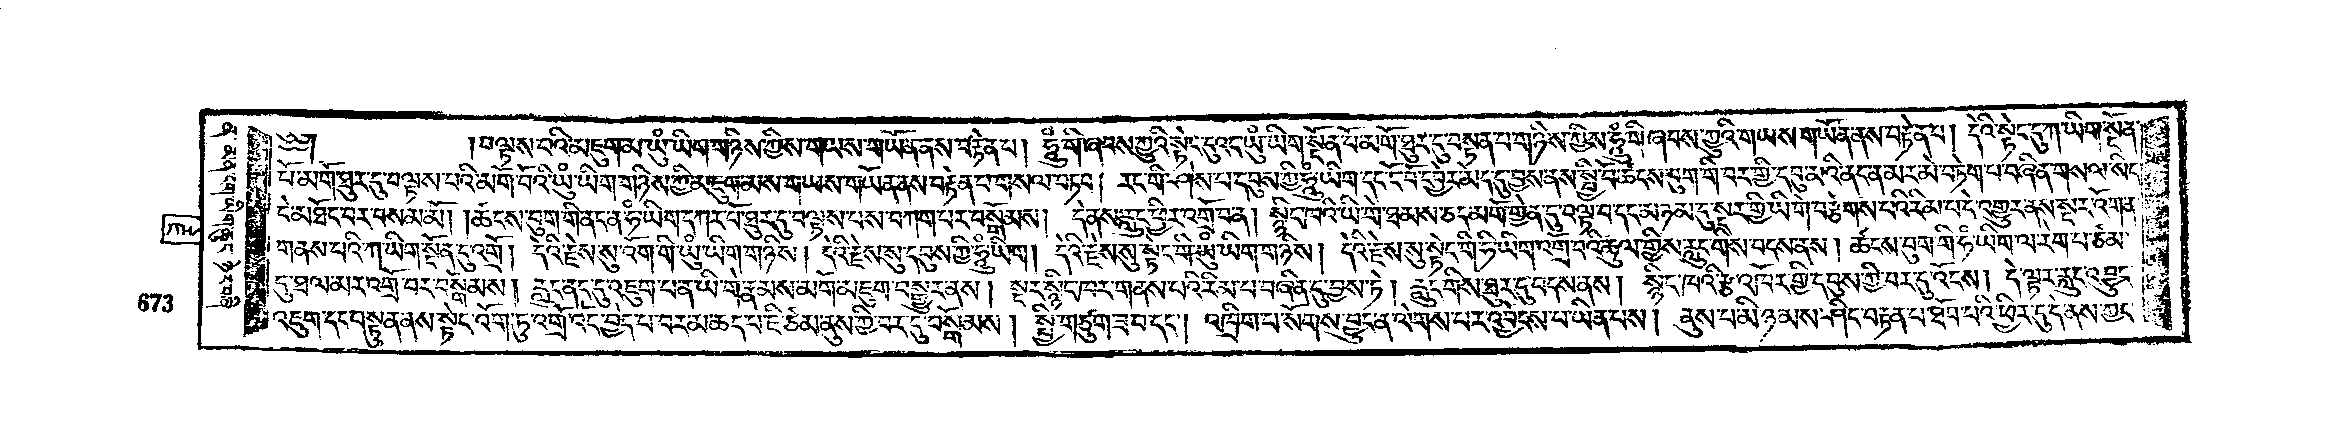༄༅། །བལྟས་པའི་མཇུག་མ་ཡུཾ་ཡིག་གཉིས་ཀྱིས་གཡས་གཡོན་ནས་བརྟེན་པ། ཧཱུཾ་གི་ཞབས་ཀྱུའི་སྟེང་དུའང་ཡུཾ་ཡིག་སྔོན་པོ་མགོ་ཐུར་དུ་བསྟན་པ་གཉིས་ཀྱིས་ཧཱུཾ་གི་ཞབས་ཀྱུའི་གཡས་གཡོན་ནས་བརྟེན་པ། དེའི་སྟེང་དུ་ཀ་ཡིག་སྔོན་
པོ་མགོ་ཐུར་དུ་བལྟས་པའི་མགོ་བོའི་ཡུཾ་ཡིག་གཉིས་ཀྱི་མཇུག་མས་གཡས་གཡོན་ནས་བརྟེན་པ་གསལ་བཏབ། རང་གི་ཤེས་པ་དབུས་ཀྱི་ཧཱུཾ་ཡིག་དང་ངོ་བོ་དབྱེར་མེད་དུ་བྱས་ནས་སྤྱི་བོ་ཚངས་བུག་གི་བར་གྱི་དབུ་མའི་ནང་ན་མར་མེ་བཏེག་པ་བཞིན་གསལ་སིང་
ངེ་མཐོང་བར་བསམ་མོ། །ཚངས་བུག་གི་ནང་ན་ཧཾ་ཡིག་དཀར་པོ་ཐུར་དུ་བལྟས་པས་བཀག་པར་བསྒོམས། དེ་ནས་རླུང་ཕྱིར་འགྲོ་བ་ན། སྙིང་ཁའི་ཡི་གེ་ཐམས་ཅད་མགོ་གྱེན་དུ་བལྟ་བ་དང་མཉམ་དུ་སྔར་གྱི་ཡི་གེ་བརྩེགས་པའི་རིམ་པ་དེ་འགྱུར་ནས་སྔར་འོག་ན་
གནས་པའི་ཀ་ཡིག་སྔོན་དུ་འགྲོ། དེའི་རྗེས་སུ་འོག་གི་ཡུཾ་ཡིག་གཉིས། དེའི་རྗེས་སུ་དབུས་ཀྱི་ཧཱུཾ་ཡིག །དེའི་རྗེས་སུ་སྟེང་གི་ཡུཾ་ཡིག་གཉིས། དེའི་རྗེས་སུ་སྟེང་གི་ཧི་ཡིག་འགྲོ་བའི་ཚུལ་གྱིས་རླུང་གིས་བདས་ནས། ཚངས་བུག་གི་ཧཾ་ཡིག་ལ་རེག་པ་ཙམ་
དུ་ཐལ་མར་འགྲོ་བར་བསྒོམས། རླུང་ནང་དུ་འཇུག་པ་ན་ཡི་གེ་རྣམས་མགོ་མཇུག་བསྒྱུར་ནས། སྔར་སྙིང་ཁར་གནས་པའི་རིམ་པ་བཞིན་དུ་བྱས་ཏེ། རླུང་གིས་ཐུར་དུ་བདས་ནས། སྙིང་ཁའི་རྩ་འཁོར་གྱི་དབུས་ཀྱི་བར་དུ་འོངས། དེ་ལྟར་རླུང་འབྱུང་
འཇུག་དང་བསྟུན་ནས་སྟེང་འོག་ཏུ་འགྲོ་འོང་བྱེད་པ་བར་མ་ཆད་པ་ཇི་ཙམ་ནུས་ཀྱི་བར་དུ་བསྒོམས། སྤྱི་གཙུག་ཟ་བ་དང་། འཁྲིག་པ་སོགས་བྱུང་ན་ལེགས་པར་འབྱོངས་པ་ཡིན་པས། ནུས་པ་མི་ཉམས་ཤིང་བརྟན་པ་ཐོབ་པའི་ཕྱིར་དུ་དེ་ནས་ཀྱང་